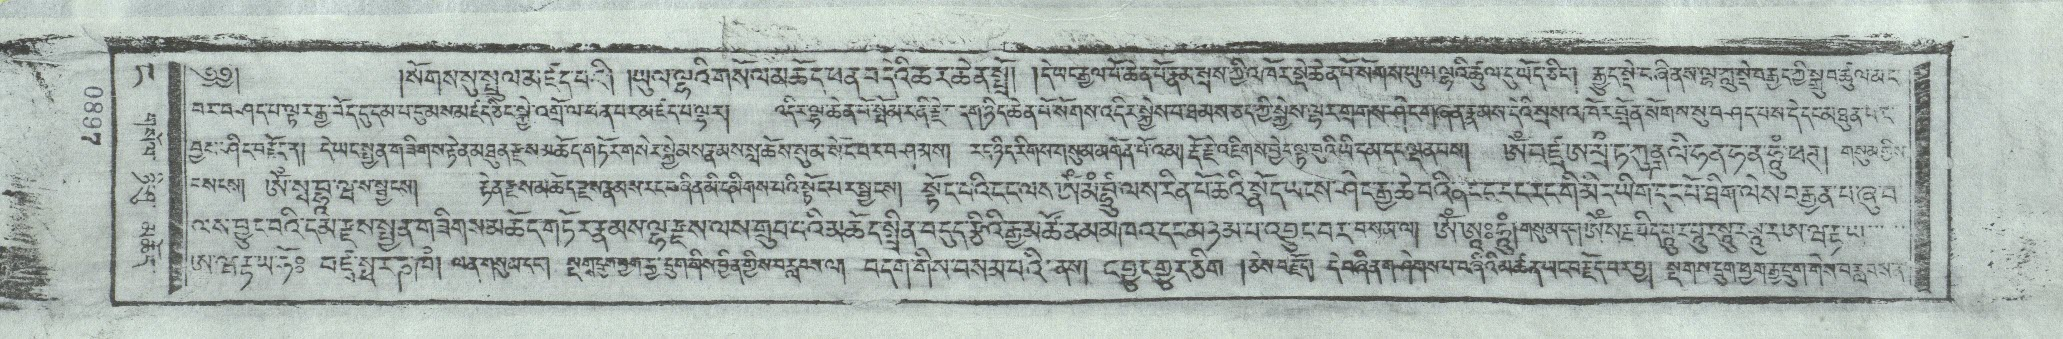༄༅། །སོགས་སུ་སྤྲུལ་མཛད་པའི། །ཡུལ་ལྷའི་གསོལ་མཆོད་ཕན་བདེའི་ཆར་ཆེན་སྤྲོ། །དེ་ཡང་རྒྱལ་པོ་ཆེན་པོ་རྣམ་སྲས་ཀྱི་འཁོར་སྡེ་ཆེན་པོ་སོགས་ཡུལ་ལྷའི་ཚུལ་དུ་ཡོད་ཅིང་། རྒྱུད་སྡེ་བཞི་ནས་ལྷ་ཀླུ་སྡེ་བརྒྱད་ཀྱི་སྒྲུབ་ཚུལ་མང་
པར་བཤད་པ་ལྟར་རྒྱ་བོད་དུ་དམ་པ་དུ་མས་མཛད་ཅིང་སྐྱེ་འགྲོ་ལ་ཕན་པར་མཛད་པ་ལྟར། འདིར་ལྷ་ཆེན་པོ་སྤོམ་ར་ནི་རྗེ་བདག་ཉིད་ཆེན་པོ་སོགས་འདིར་སྐྱེས་པ་ཐམས་ཅད་ཀྱི་སྐྱེས་ལྟར་གྲགས་ཤིང་གཞན་རྣམས་དེའི་སྲས་འཁོར་བློན་སོགས་སུ་བཤད་པས་དེ་དང་མཐུན་པར་
བྱས་དེར་བརྗོད་ན། དེ་ཡང་སྤྱན་གཟིགས་རྟེན་མཐུན་རྫས་མཆོད་གཏོར་གསེར་སྐྱེ་མས་རྣམས་སླ་ཆོས་སུམ་སོང་བར་བཤམས། རང་ཉིད་རིགས་གསུམ་མགོན་པོ་འམ། རྡོ་རྗེ་འཇིགས་བྱེད་ལྟ་བུའི་ཡི་དམ་དང་ལྡན་པས། ཨོཾ་བཛྲ་ཨ་མྲྀ་ཏ་ཀུནྜ་ལི་ཧ་ན་ཧ་ན་ཧཱུཾ་ཕཊ། གསུམ་གྱིས་
བསངས། ཨོཾ་སྭ་བྷཱ་ཝས་སྦྱངས། རྟེན་རྫས་མཆོད་རྫས་རྣམས་རང་བཞིན་མི་དམིགས་པའི་སྟོང་པར་སྦྱངས། སྟོང་པའི་ངང་ལས་ཨོཾ་མཾ་བྷྲུཾ་ལས་རིན་པོ་ཆེའི་སྣོད་ཡངས་ཤིང་རྒྱ་ཆེ་བའི་ནང་ད་རང་རང་གི་མིད་ཡིག་དང་པོ་ཐིག་ལེས་བརྒྱན་པ་ཞུ་བ་
ལས་བྱུང་བའི་དམ་རྫས་སྤྱན་གཟིགས་མཆོད་གཏོར་རྣམས་ལྷ་རྫས་ལས་གྲུབ་པའི་མཆོད་སྤྲིན་བདུད་རྩིའི་རྒྱ་མཚོ་ནམ་མཁའ་དང་མཉམ་པ་འབྱུང་བར་བསམ་ལ། ཨོཾ་ཨཱཿ ཧཱུཾ། གསུམ་དང་། ཨོཾ་སརྦ་བདི་པཱུར་པཱུར་སཱུར་སཱུར་ཨ་ཝ་རྟ་ཡ་
ཨ་ཝ་རྟ་ཡ་ཧོཿ བཛྲ་སྥ་ར་ཎ་ཁཾ། ལན་གསུམ་དང་། སྔགས་དྲུག་ཕྱག་རྒྱ་དྲུག་གིས་བྱིན་གྱིས་བརླབས་ལ། བདག་གིས་བསམ་པའི་ནས། འབྱུང་གྱུར་ཅིག །ཅེས་བརྗོད། དེ་བཞིན་གཤེགས་པ་བཞིའི་མཚན་ཡང་བརྗོད་པར་བྱ། སྔགས་དྲུག་ཕྱག་རྒྱ་དྲུག་གིས་བརླབས་ན་